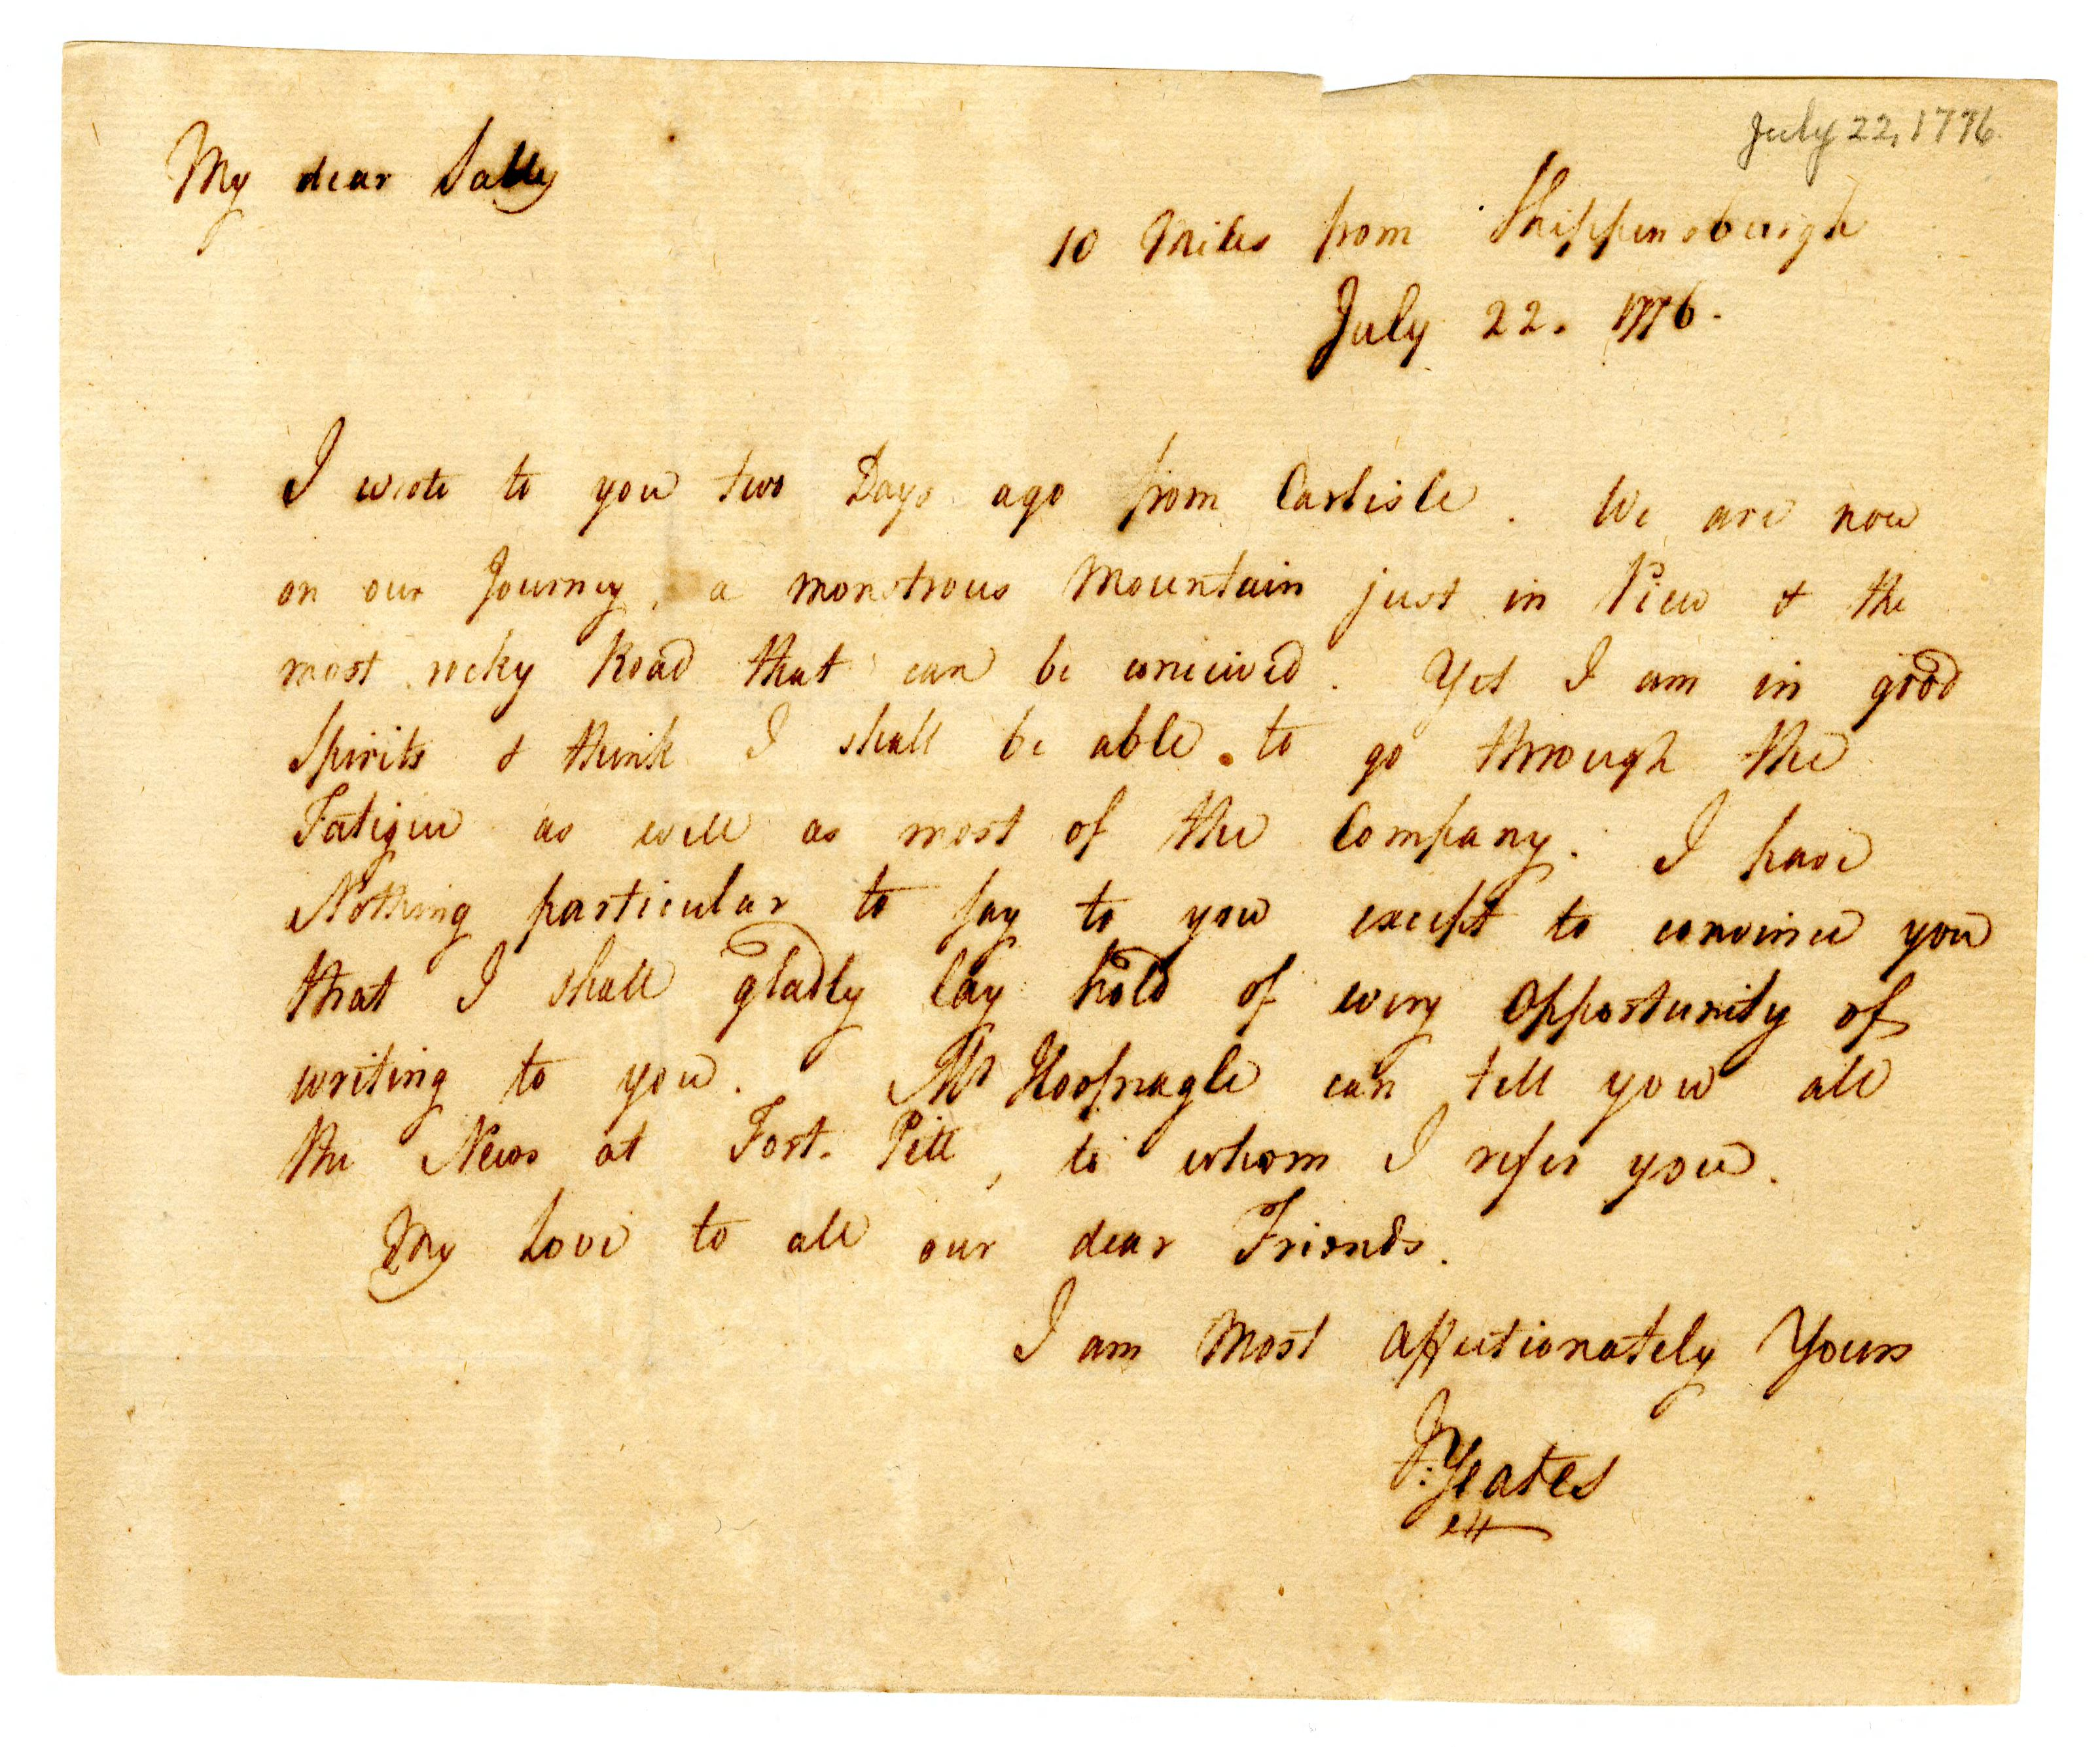10 Miles from Shippensburgh
July 22. 1776
My dear Sally
I wrote to you two Days ago from Carlisle. We are now
on our Journey, a monstrous mountain just in View & the
most rocky Road that can be conceived. Yet I am in good
Spirits & think I shall be able to go though the
Fatigue as well as most of the Company. I have
Nothing particular to say to you except to convince you
that I shall gladly lay hold of every Opportunity of
writing to you. M^r Hoofnagle can tell you all
the News at Fort. Pitt, to whom I refer you.
My Love to all our dear Friends.
I am Most affectionately Yours
J: Yeates